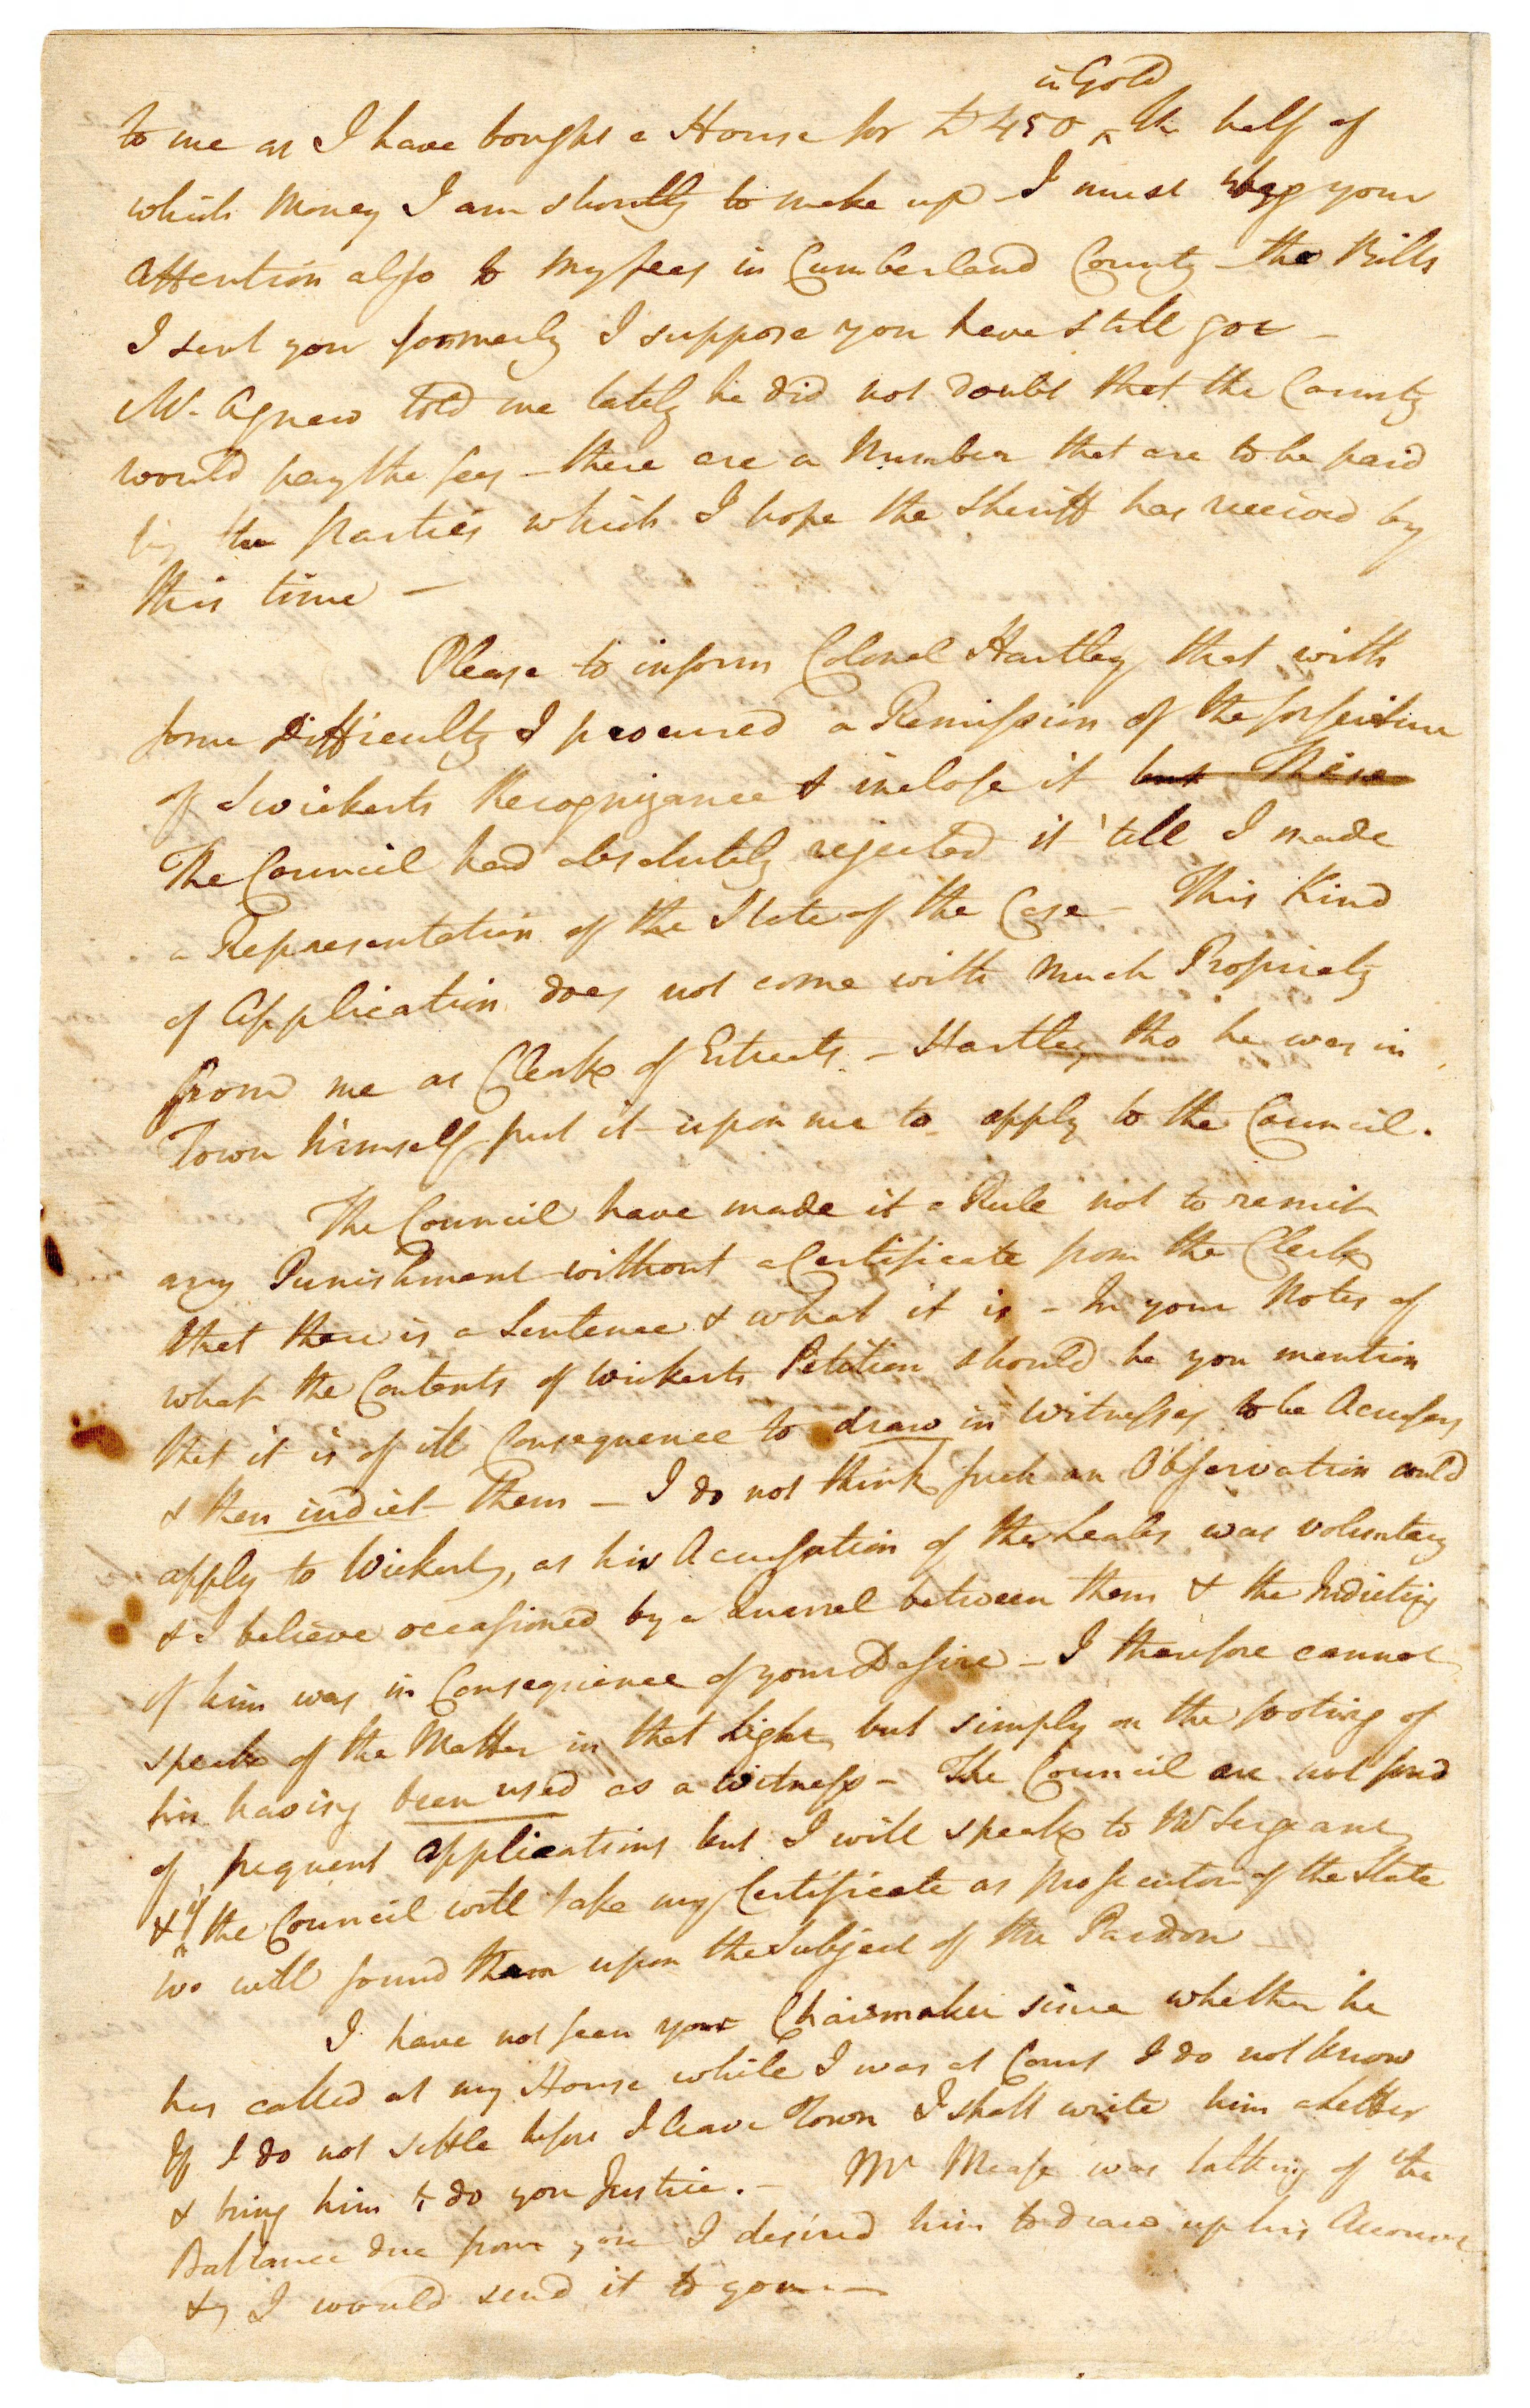a Gold
to me as I have bought a House for £450 ^ the half of
which Money I am shortly to make up. I must beg your
Attention also to my fees is Cumberland County. the Bills
I sent you formerly I suppose you have still got.
M^r. Agnew told me lately he did not doubt that the County
would pay the fees. there are a Number that are to be paid
by the parties which I hope the sheriff has received by
this time.
Please to inform Colonel Hartley that with
some difficulty I procured a Penission of the forfeiture
of Swickerts Recognizance & inclose it but There
The Council had absolutely rejected it 'till I made
a Representation of the State of the Case. This Kind
of Application does not come with much Propriety
from me as Clerk of Entreats. Hartley tho he was in
Town himself put it upon me to apply to the Council.
The Council have made it a Rule not to remit
any Punishment without a Certificate fom the Clerk
that there is a Sentence & what it is. In your Notes of
what the Contents of Wickerts Petition should he you mention
that it is of ill Consequence to draw in Witnesses to be Acusers
& then indict them. I do not think such an Observation could
apply to Wickert, as his Accusation of the Leabs was voluntary
& I believe occasioned by a Quarrel between them & the Indicting
of him was in Consequence of your Desire. I therefore cannot
speak of the Matter in that light, but simply on the footing of
him having been used as a Witness. The Council are not fond
of frequent Applications but I will speak to M^r Sergant
& if the Council will take my Certificate as prosecutor of the state
we will found them upon the Subject of the Pardon.
I have not seen your Chairmaker since whether he
has called at my House while I was at Court & do not know
If I do not settle before I leave town I shall write him a Letter
& bring him do you Justice. M^r Mease was talking of the
Ballance due from you I desired him to draw up his Account
& I would send it to you.